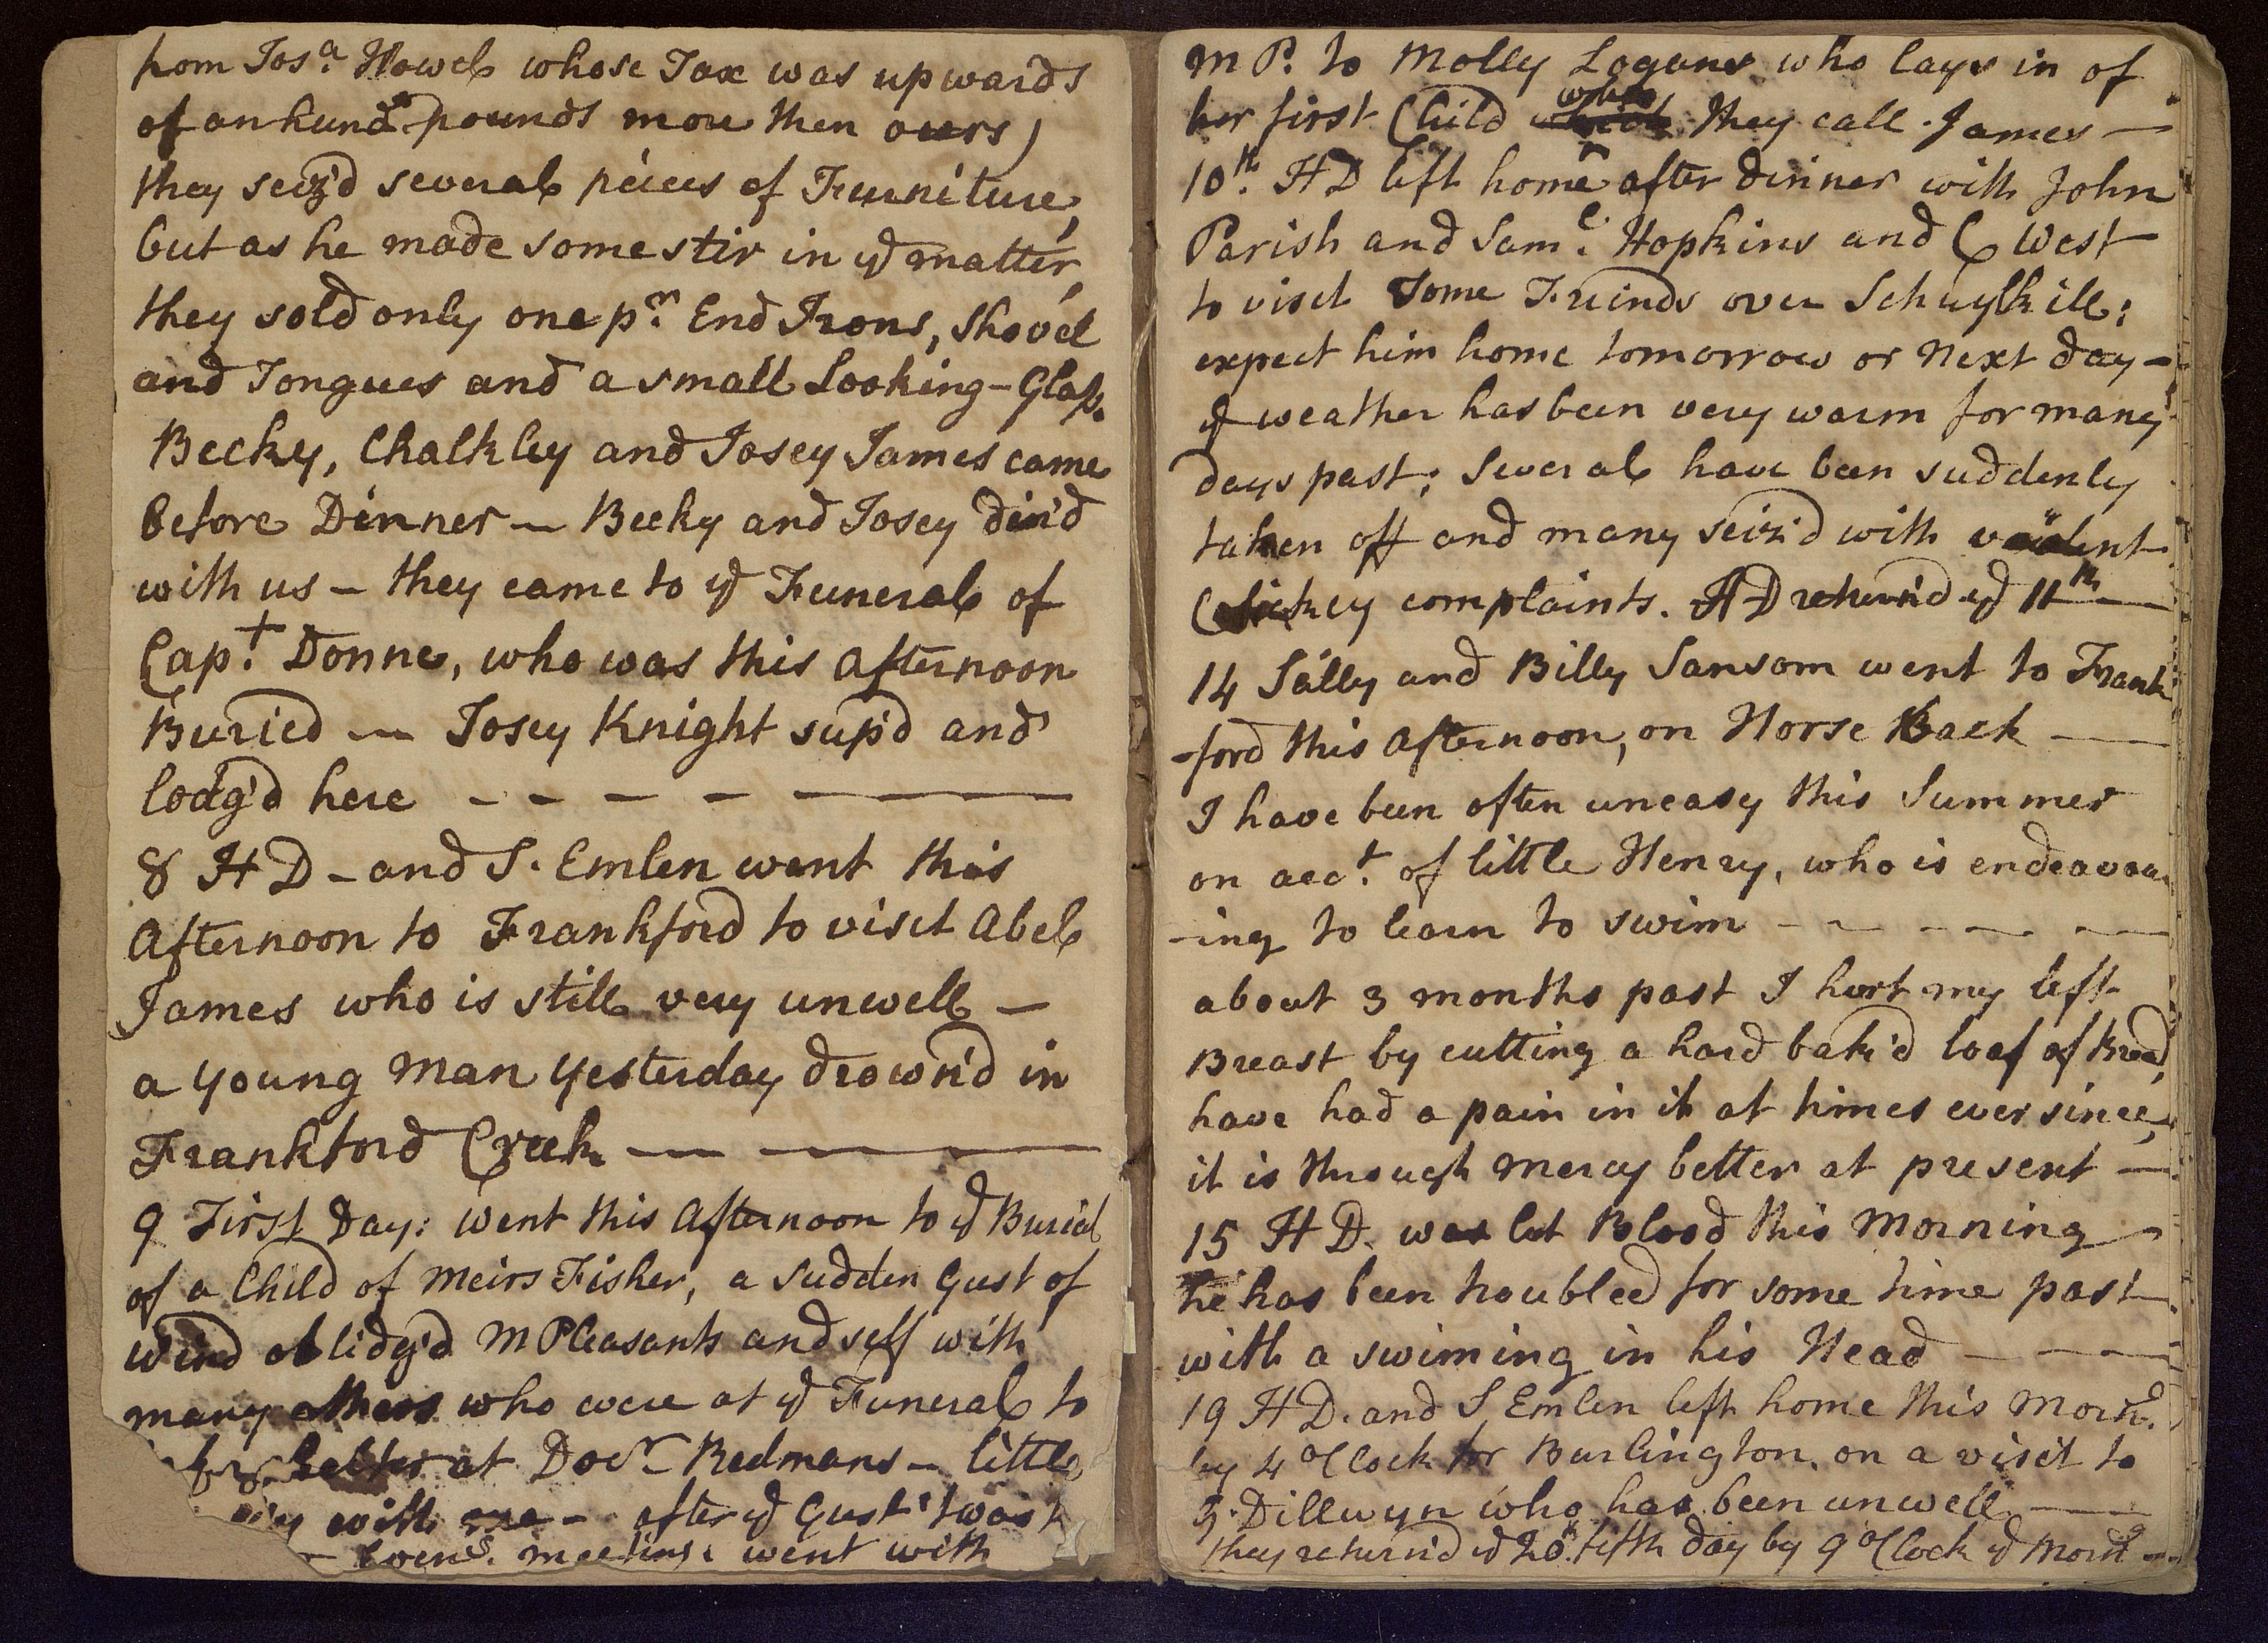from Jos^a. Howels whose Tax was upwards
of an hund pounds more then ours)
they seiz'd several peices of Furniture,
but as he made some stir in y^e matter
they sold only one p^r. End Irons, Shovel
and Tongues and a small Looking- Glass.
Becky, Chalkley and Josey James came
before Dinner- Becky and Josey din'd
with us- they came to y^e Funeral of
Cap^t Donne, who was this afternoon
Buried- Josey Knight sup'd and
lodg'd here----
8 HD- and S. Emlen want this
Afternoon to Frankford to visit Abel
James who is still very unwell-
a young man Yesterday drown'd in
Frankford Creek-
9 First Day: went this afternoon to y^e Burial
of a Child of Meirs Fisher, a sudden Gust of
Wind oblidg'd M Pleasants and self with
many others who were at y^e Funeral to
[____] better at Doc^r Redmans- little
[_]y with me- after y^e Gust I was
- Even.^g meeting, went with
MP. To Molly Logans who lays in of
who
her first Child [which] they call James-
10^th. HD lift home after dinner with John
Parish and Sam.^l Hopkins and C West
to visit some Freinds over Schuylkill:
expect him home tomorrow or Next day-
y^e weather has been very warm for many
days past; several have been suddenly
taken off and many seiz'd with v[o]iolent
C[o]lickey complaints. HD rerurn'd y^e 11^th-
14 Sally and Billy Sansom went to Frank
-ford this afternoon, on Horse Back-
I have been often uneasy this Summer
on acc^t. of little Henry, who is endeavour
-ing do learn to swim---- --
about 3 months past I hurt my left
Breast by cutting a hard bake'd loaf of Bred
have had a pain in it at times ever since
it is through mercy better at present-
15 HD was let Blood this morning-
he has been troubled for some time past-
with a swiming in his Head---
19 HD and S Emlen left home this Morn.^g
by 4 ^o Clock for Burlington on a visit to
G. Dillwyn who has been unwell-
they return'd y^e 20^th. fifth day by 9 ^o Clock y^e morn^g